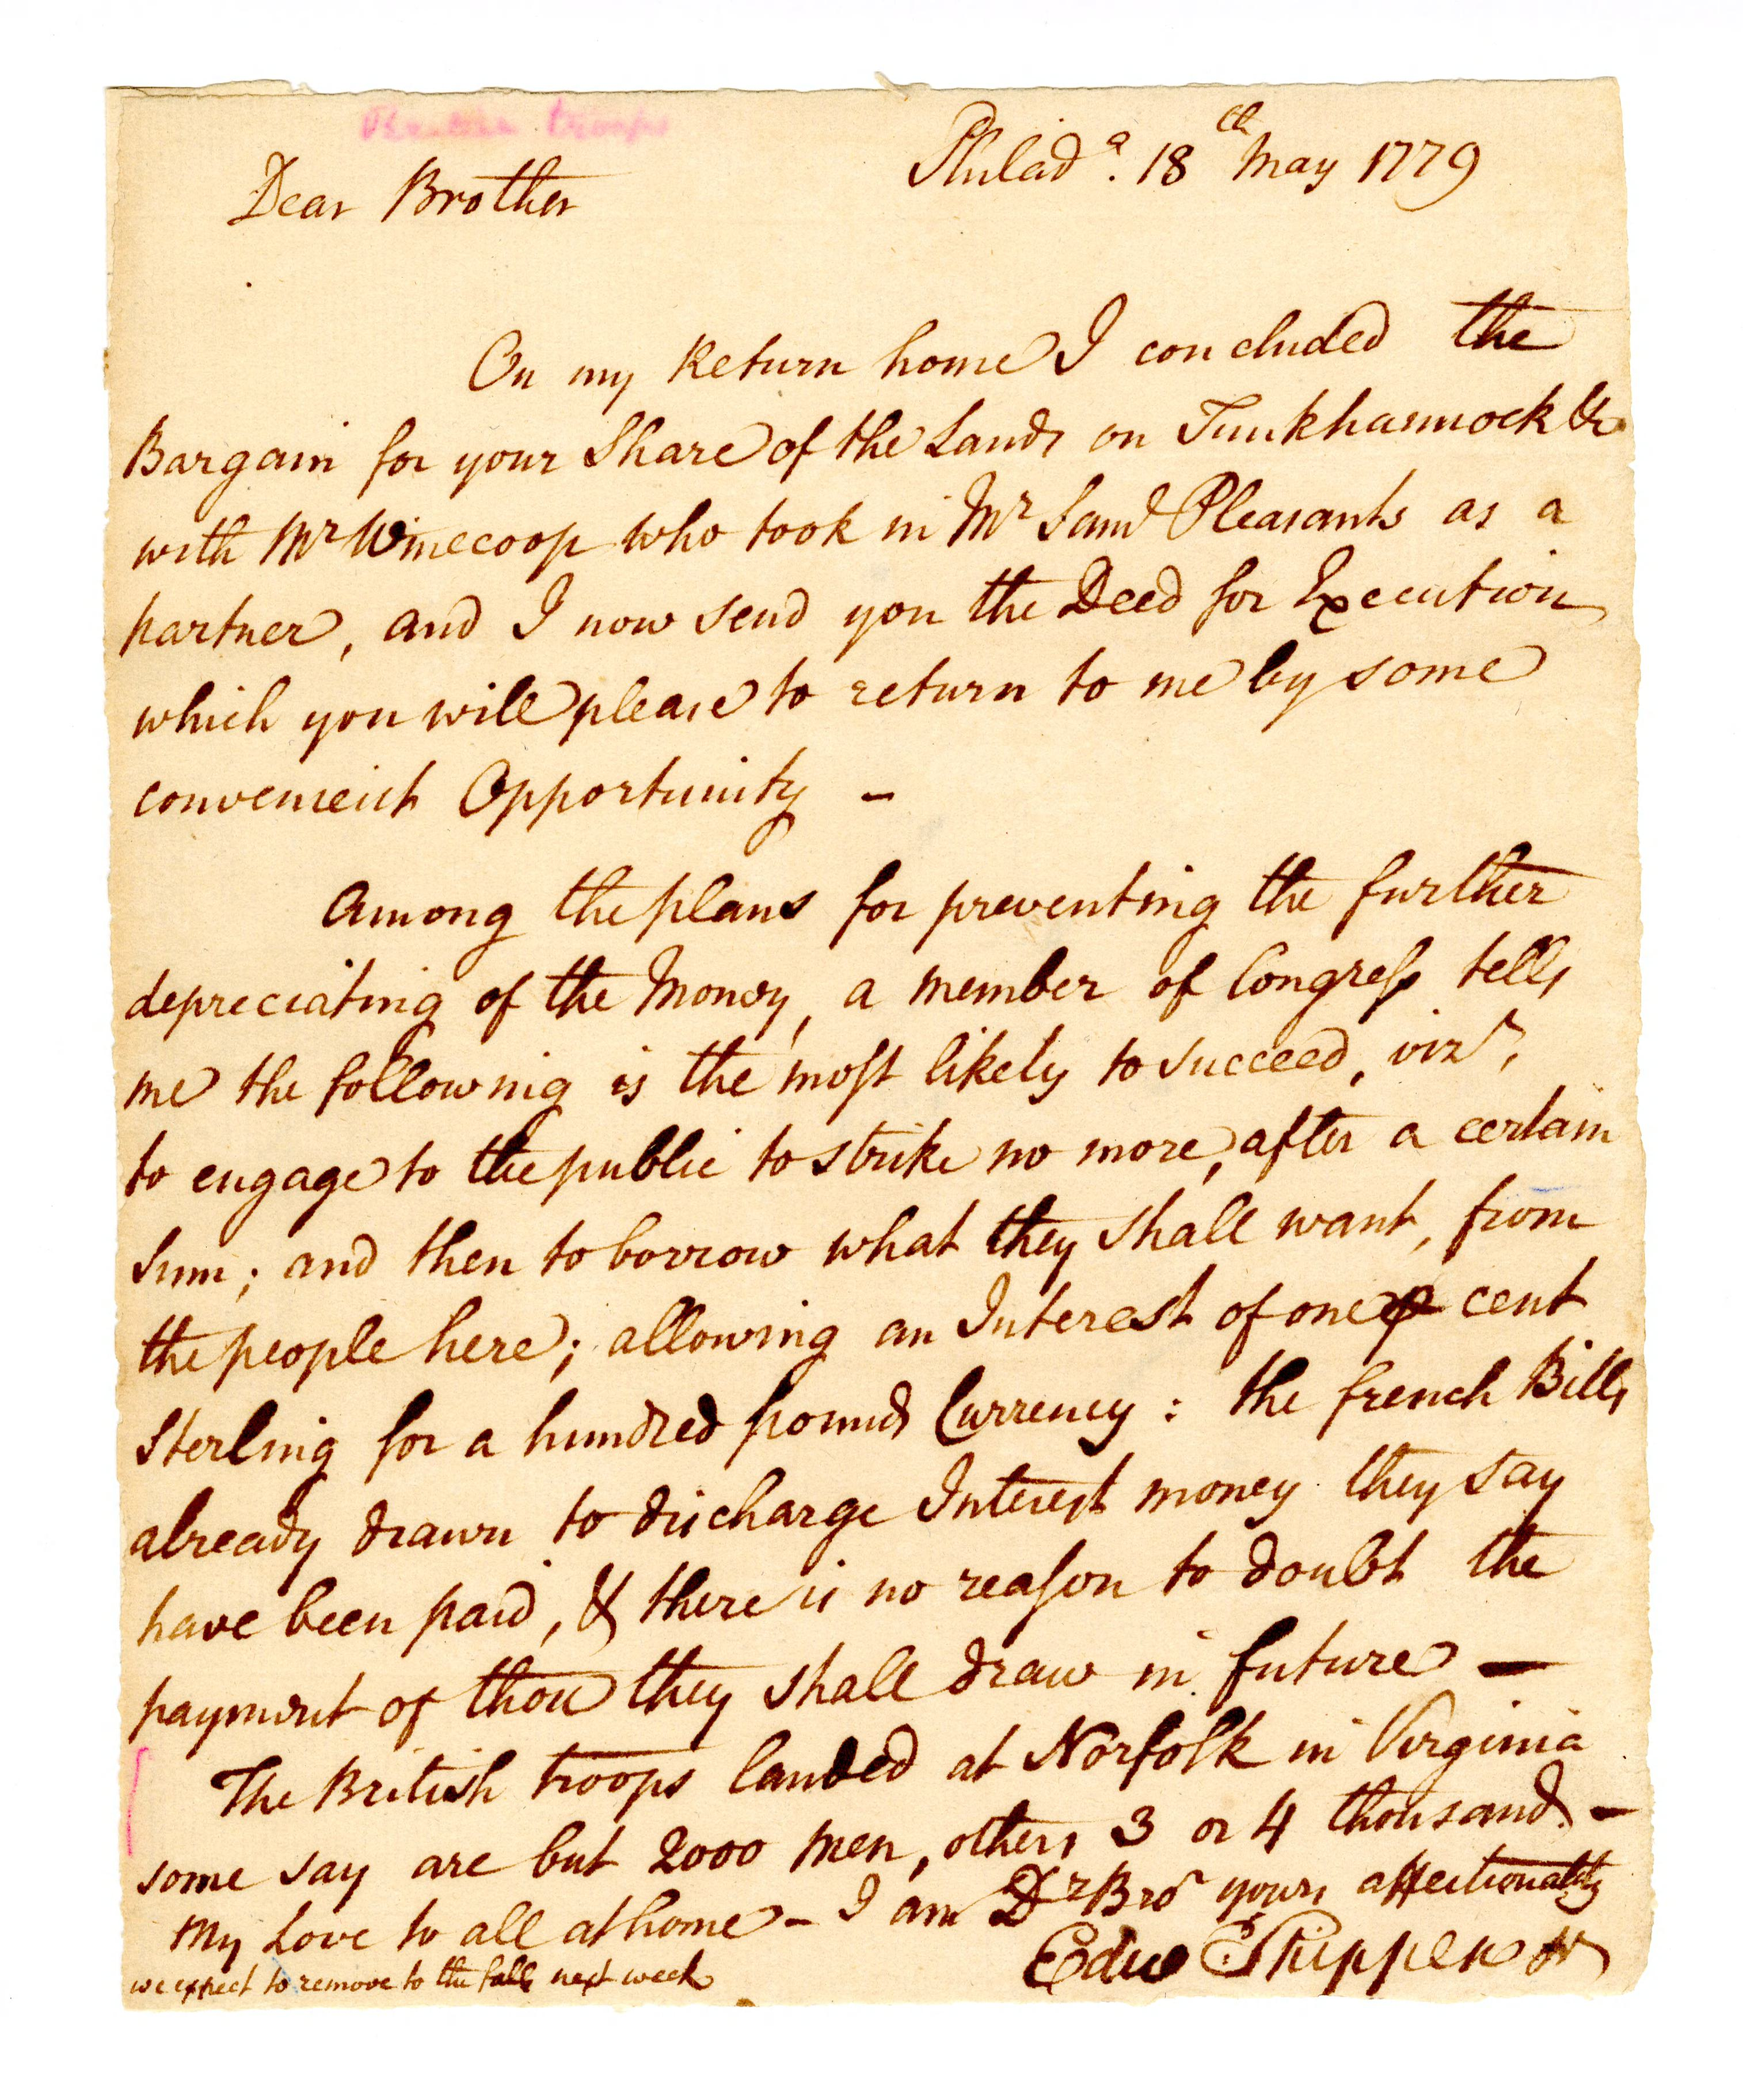Philad^a. 18^th May 1779
Dear Brother
On my Return home I concluded the
Bargain for your Share of the Lands on Tunkhannock &
with M^r Wincoop who took in M^r Sam^l Pleasants as a
partner, and I now send you the Deed for Execution
which you will please to return to me by some
conveneint Opportunity-
Among the plans for preventing the further
depreciating of the Money, a member of Congress tells
me the following is the most likely to succeed, viz^t,
to engage to the public to strike no more, after a certain
sum; and then to borrow what they shall want, from
the people here; allowing an Interest of one cent
Sterling for a hundred pounds Currency: the french Bills
already drawn to discharge Interest money they say
have been paid, & there is no reason to doubt the
payment or thou they shall drawn in future-
The British troops landed at Norfolk in Virginia
some say are but 2000 men, other 3 or 4 thousand.-
My Love to all at home. I am D^r Bro^r yours, affectionately
Edw: Shippen Jr
we expect to remove to the falls next week